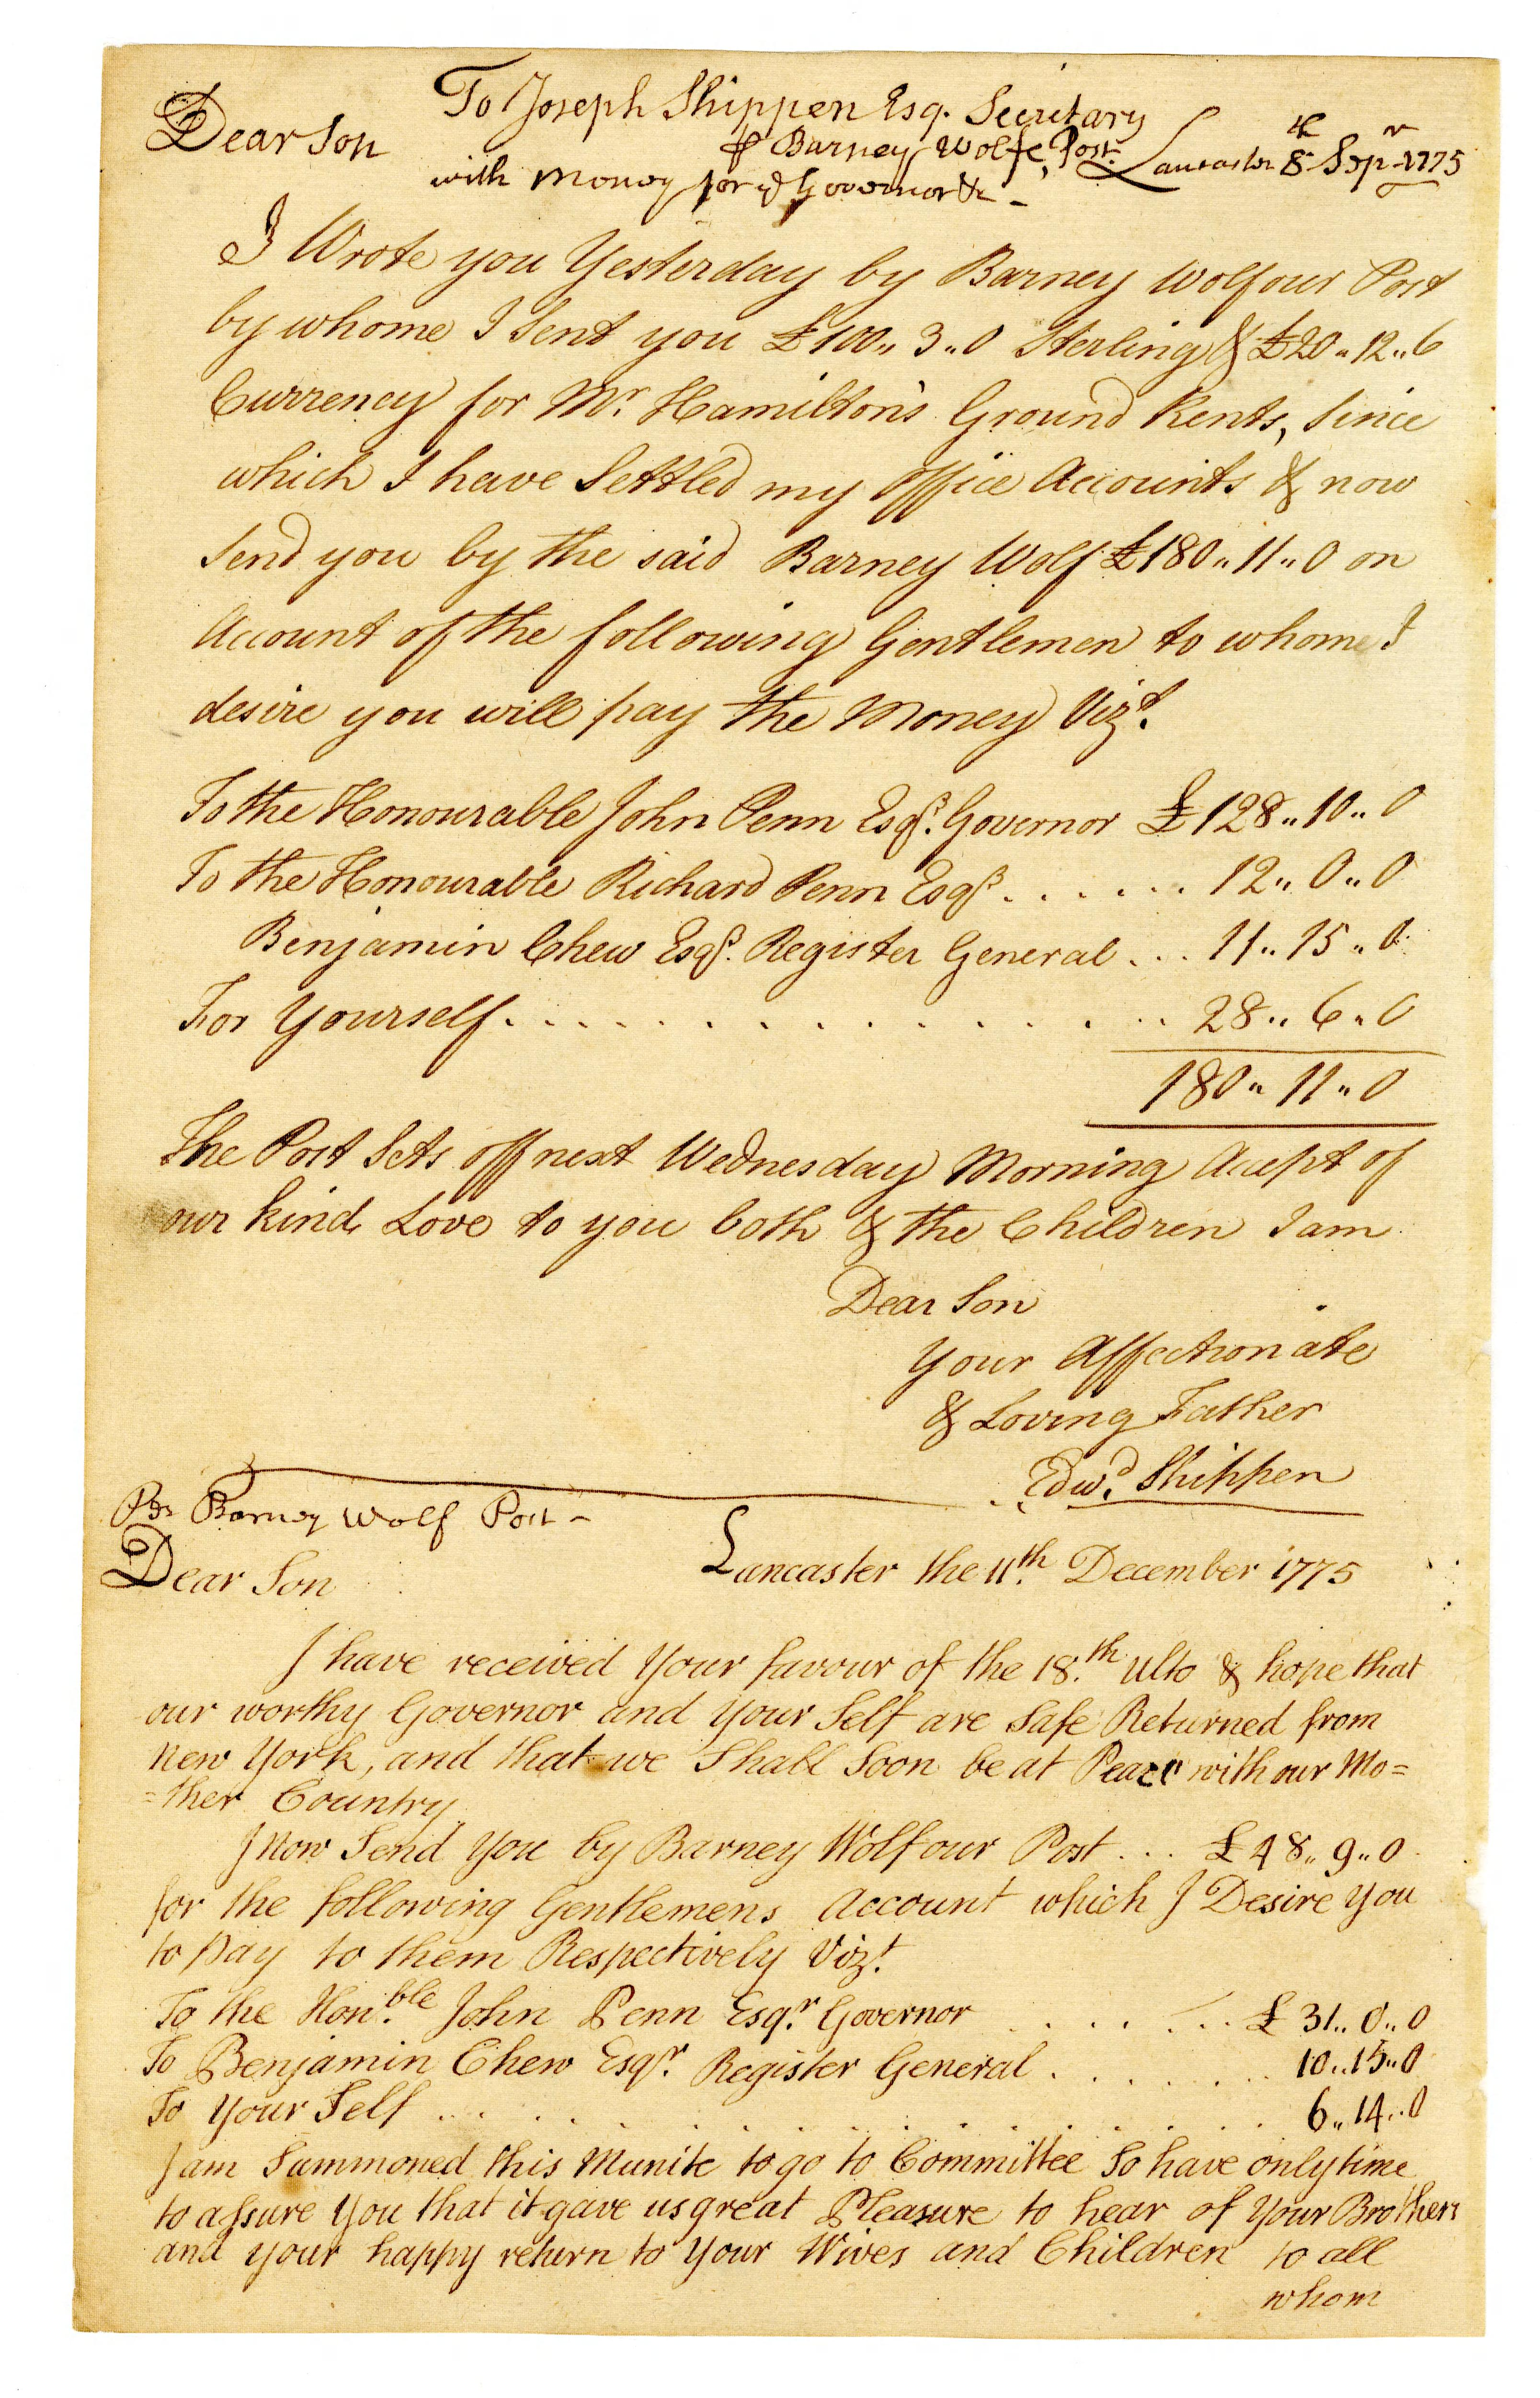To Joseph Shippen Esq. Secretary
per Barney Wolfe, Post.
with Money for y^e Governor &c-
Lancaster 8.^th Sep^r- 1775
Dear Son
I Wrote you Yesterday by Barney Wolf our Post
by whome I send you £100..3..0 Sterling & £20..12..6
Currency for M^r. Hamilton's Ground rents, Since
which I have Settled my office Accounts & now
Send you by the said Barney Wolf £180..11..0 on
Account of the following Gentlemen to whome I
desire you will pay the Money Viz^t.
To the Honourable John Penn Esq^r. Governor £128..10..0
to the Honourable Richard Penn Esq^r. ..... 12..0..0
Benjamin Chew Esq^r. Register General...11..15..0
For Yourself...............28..6..0
180..11..0
The Post Sets off next Wednesday Morning Accept of
our kind Love to you both & the Children
I am
Dear Son
Your Affectionate
& Loving Father
Edw^d. Shippen
Per Barney Wolf Post-
Lancaster the 11^th. December 1775
Dear Son
I have received your favour of the 18.^th ulto & hope that
our worthy Governor and your Self are Safe Returned from
New York, and that we Shall Soon be at Peace with our Mo-
-ther Country
I now Send you by Barney Wolf our Post... £48..9..0
for the following Gentlemens Account which I Desire you
to Pay to them Respectively Viz^t.
To the Hon.^ble John Penn Esq^r. Governor....... £31..0..0
To Benjamin Chew Esq^r. Register General........10..15..0
To Your Self ..................6..11..0
I am Summoned this Munite to go to Committee So have only time
to assure You that it gave us great Pleasure to hear of Your Brothers
and Your happy return to Your Wives and Children to all
whom